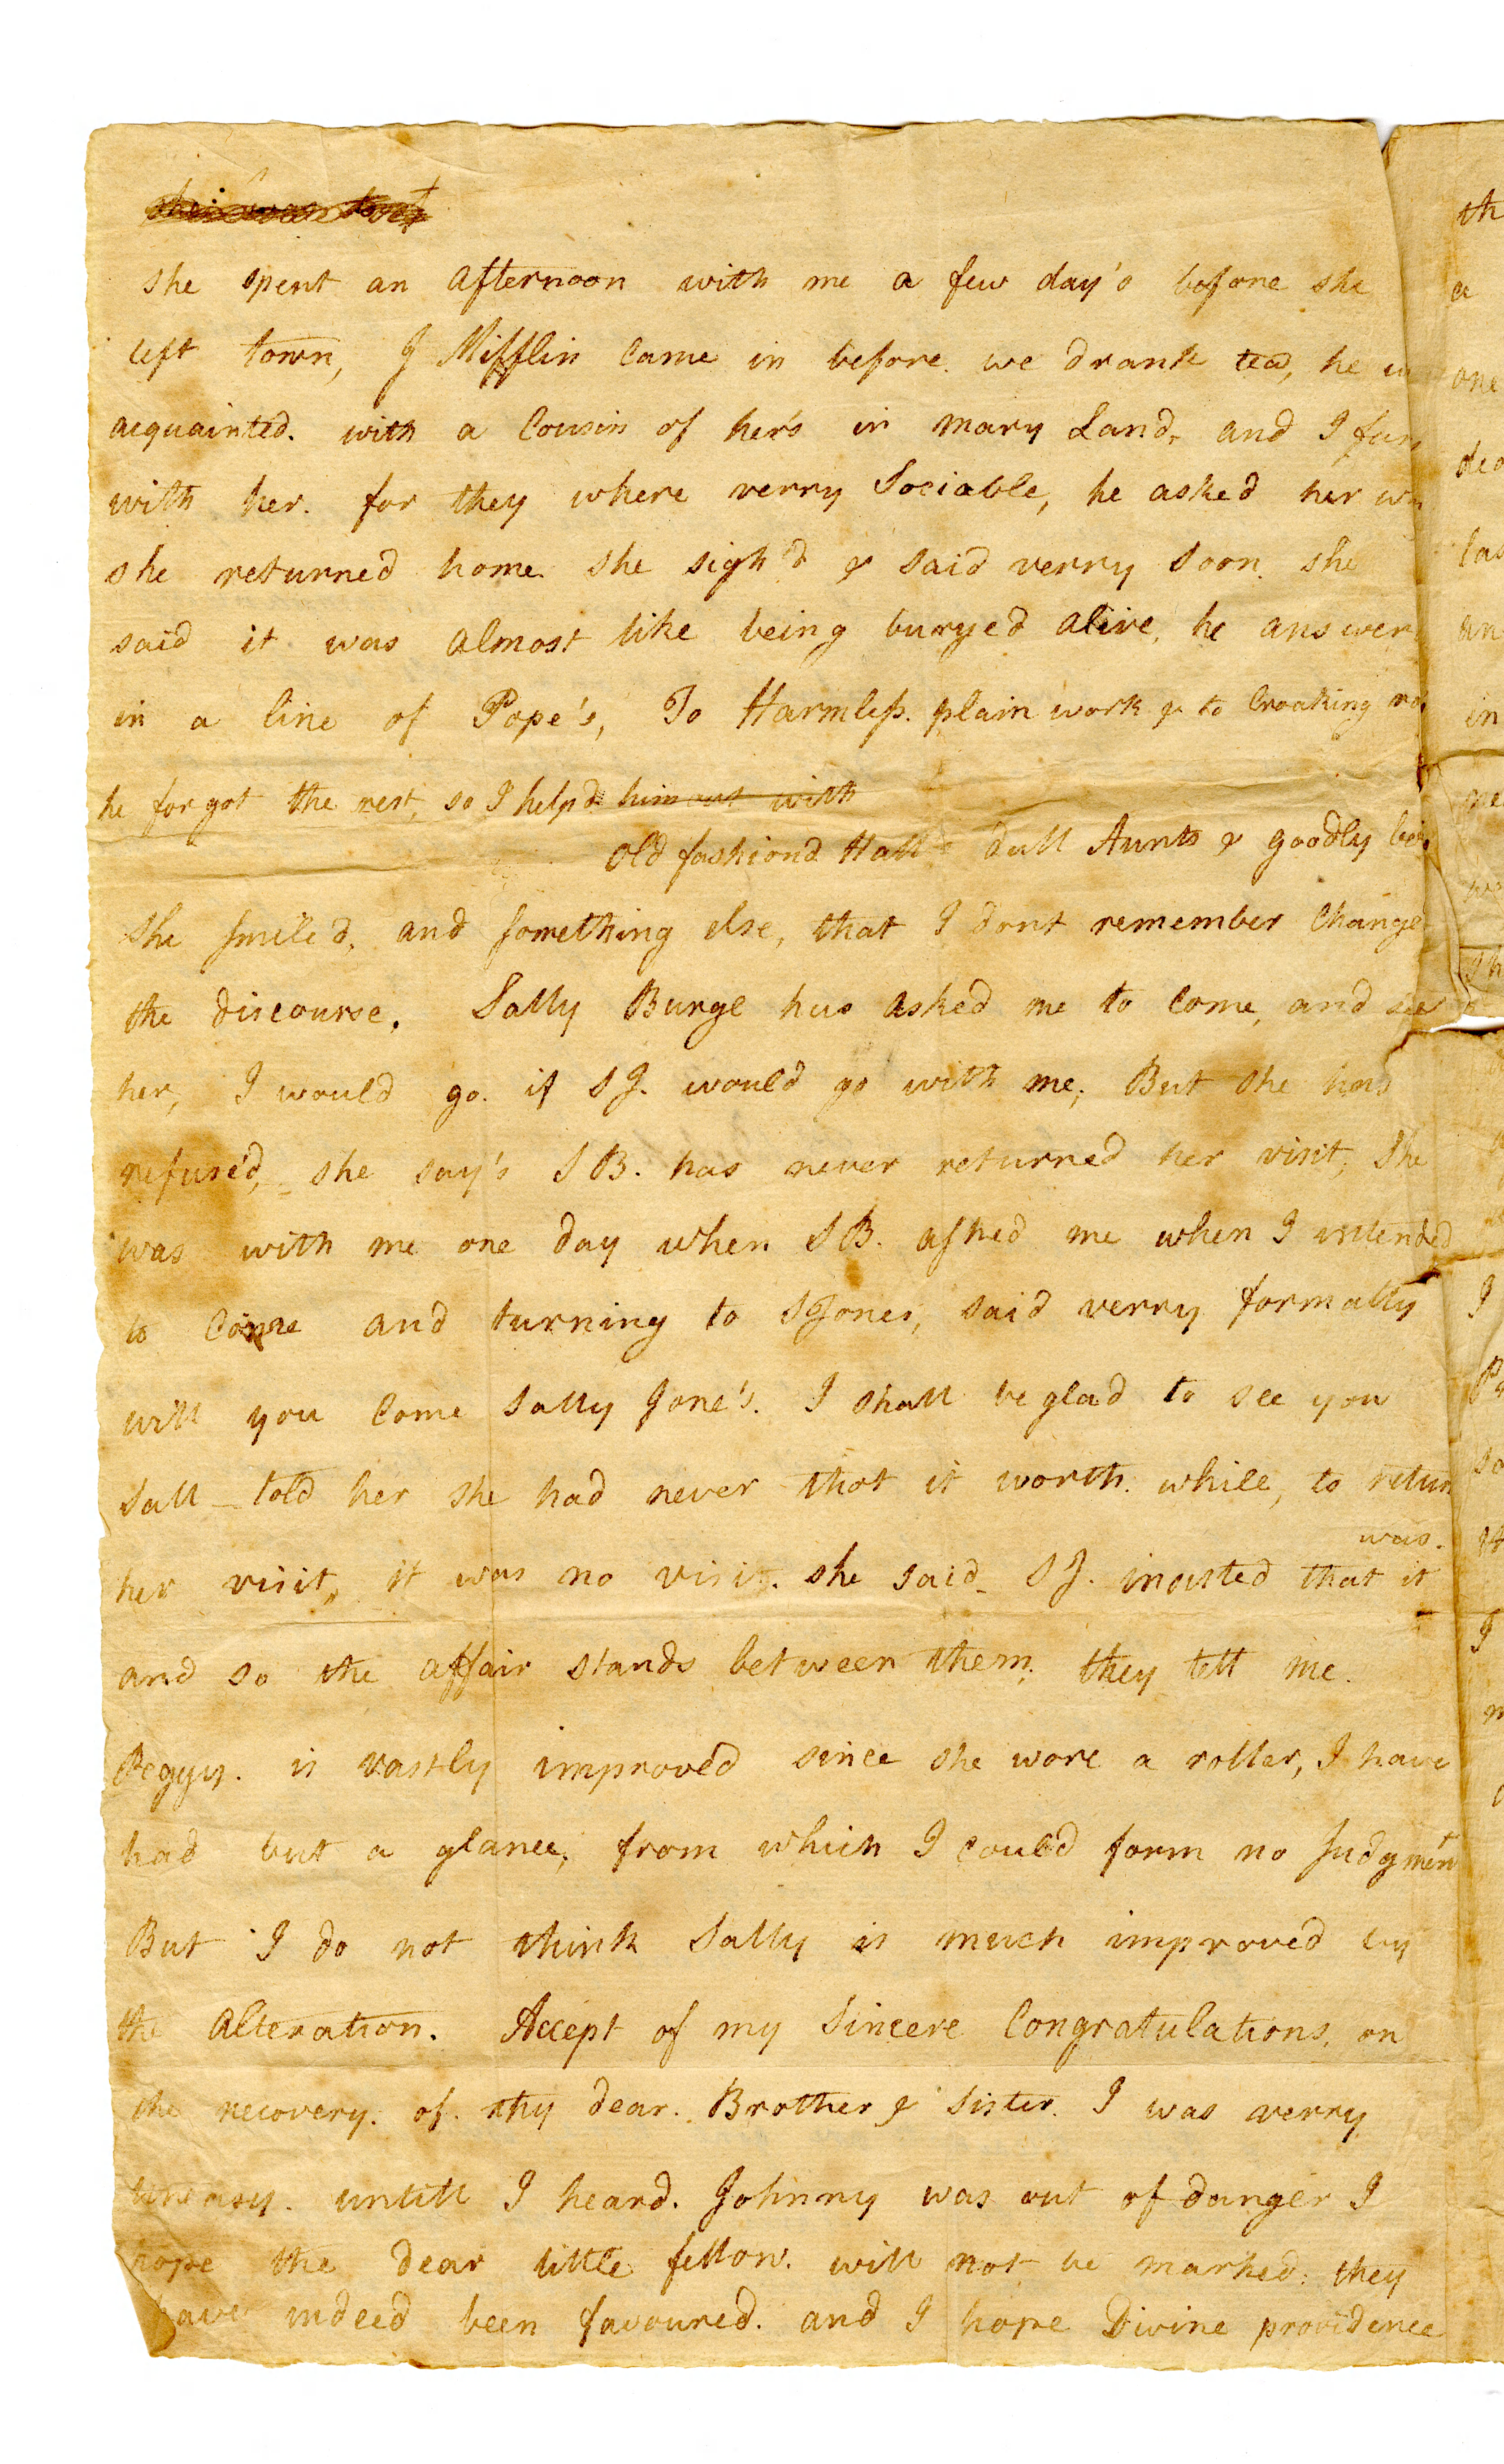she spent an afternoon with me a few day's before she
left town, J Mifflin came in before we drank tea, he is
acquainted with a Cousin of her's in Mary Land and I far
with her for they where verry Sociable, he asked her w
she returned home she sigh'd & said verry soon she
said it was almost like being buryed alive, he answer
in a line Pope's, To Harmless plain work & to croaking no
he forgot the rest, so I helpd him out with
Old fashioned Halls dull Aunts & goodly be
she smiled and something else that I dont remember change
the discourse. Sally Bunge has asked me to come and s
her, I would go if SJ. would go with me. But she has
refused she say's SB. has never returned her visit, She
was with me one day when SB. asked me when I intended
to come and turning to S Jones, said verry formally
will you come Sally Jone's. I shall be glad to see you
Sall- told her she had never thot it worth while, to retur
was
her visit, it was no visit she said SJ insisted that it
and so the affair stands between them they tell me.
Peggy is vastly improved since she wore a roller, I have
had but a glance, from which I could form no Judgmen^t
But I do not think Sally is much improved by
the alteration. Accept of my Sincere Congratulations on
the recovery of thy dear Brother & sister I was verry
uneasy until I heard Johnny was out of danger I
hope the dear little fellow will not be marked: they
ave indeed been favoured and I hope Divine providence